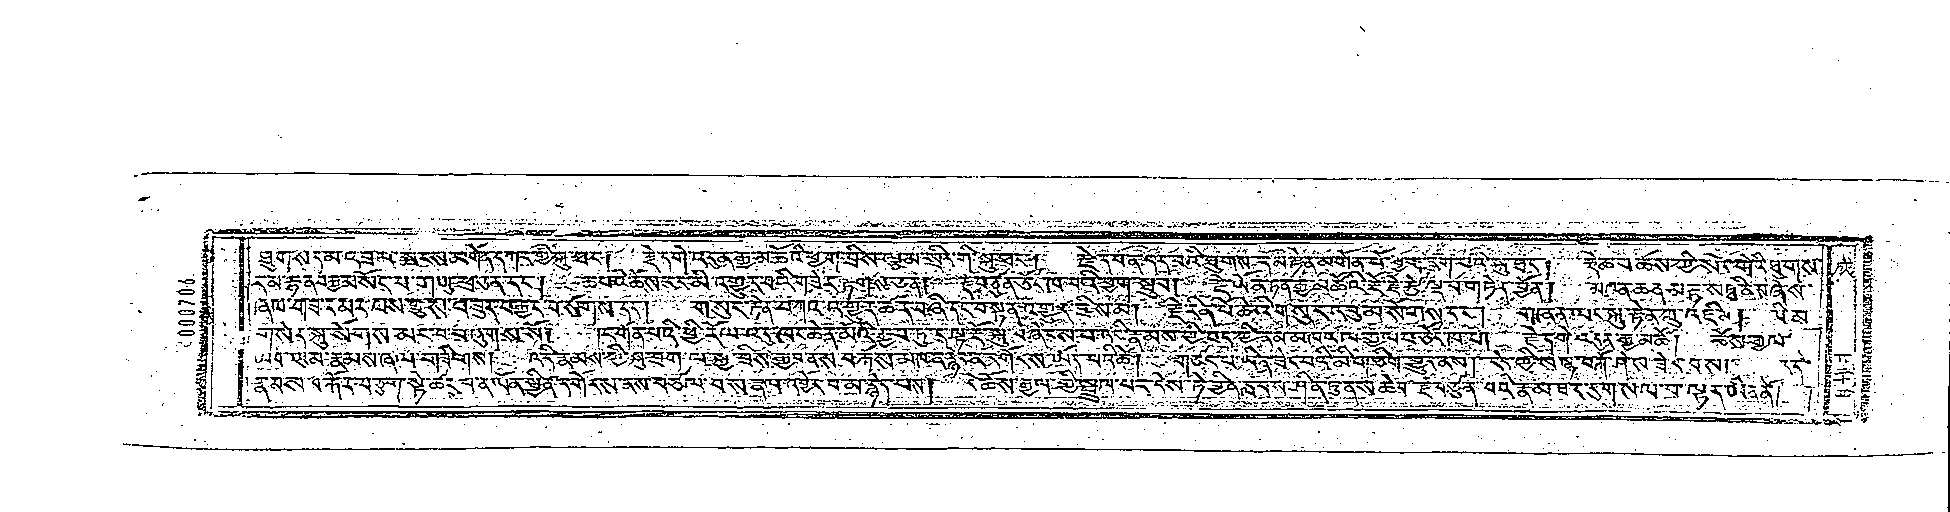ཐུགས་དམ་འབྲལ་སྤངས་མགོན་དཀར་གྱི་སྐུ་ཐང་། རྗེ་དགེ་འདུན་རྒྱ་མཚོའི་ཕྱག་བྲིས་ལྕམ་སྲིང་གི་སྐུ་ཐང་། རྗེ་དཔོན་དད་བའི་ཐུགས་དམ་རྟེན་མགོན་པོ་ཕྱག་དྲུག་པའི་སྐུ་ཐང་། རྗེ་ཆ་པ་ཆོས་ཀྱི་སེང་གེའི་ཐུགས་
དམ་རྟན་བརྐྱམ་སོད་པ་གཡུ་ཕྲ་ཅན་དང་། ཆ་པའི་ཆོས་དུང་མི་འགྱུར་བའི་གཟེར་རྟགས་ཅན། རྗེ་བཙུན་ཙོང་ཁ་པའི་ཕྱག་སྤུབ། རྗེ་ཡོན་ཏན་རྒྱ་མཚོའི་རྡོ་རྗེ་རྩེ་ལྔ་པ་གཏེར་བྱོན། མཁན་ཆན་མརྟ་སཏྭ་ནིས་ཞེས་
ཞལ་གཟི་དམར་ལས་གྲུས་བཟུར་བརྒྱད་པ་སོགས་དང་། གསུང་རྟེན་བཀའ་འགྱུར་ཚར་བཞི་དང་བསྟན་འགྱུར་བྲིས་མ། རྗེ་རིན་པོ་ཆེའི་གསུང་འབུམ་སོགས་དང་། གཞན་ཡང་སྐུ་རྟེན་ཀླུ་འཇིམ། ལི་མ་
གསེར་སྐུ་སོགས་མང་པོ་བཞུགས་སོ། །དགོན་པའི་ཕྱི་རོལ་འདུ་ཁང་ཆེན་མོའི་རྒྱབ་ཏུ་ད་ལྟ་རྡོ་སྐུ་བཞེངས་པ་འདི་རྣམས་ཀྱི་བོད་ཀྱི་ནམ་མཁའ་ལ་རྒྱལ་བ་ཙོང་ཁ་པ། རྗེ་དགེ་འདུན་རྒྱ་མཚོ། ཆོས་རྒྱལ་
ཡབ་ཡུམ་རྣམས་ཞལ་གཟིགས། འདི་རྣམས་ཀྱི་སྐུ་བྲག་ལ་སྐྱ་བྲིས་རྒྱབ་ནས་བརྐོས་མཁན་རྙེད་ན་དགོངས་ཡོད་པའི་ཚེ། གཙང་པ་ཡིན་ཟེར་བའི་མི་གཅིག་བྱུང་ནས། དེང་ཀྱིས་ལྷ་བརྐོ་ཤེས་ཟེར་བས། འདི་
རྣམས་བརྐོར་བཅུག་སྟེ་ཚར་བ་ན་ཡོན་སྦྱིན་དགོངས་ནས་བཙལ་བས་རྣལ་འབྱོར་པ་མ་རྙེད་པས། དེ་ཆོས་རྒྱལ་གྱི་སྤྲུལ་པར་ངེས་ཏེ་བྱིན་རླབས་ཤིན་ཏུ་ནས་ཆེ་བ་རྗེ་བཙུན་པའི་རྣམ་ཐར་དུ་གསལ་བ་ལྟར་ཡིན་ནོ། །